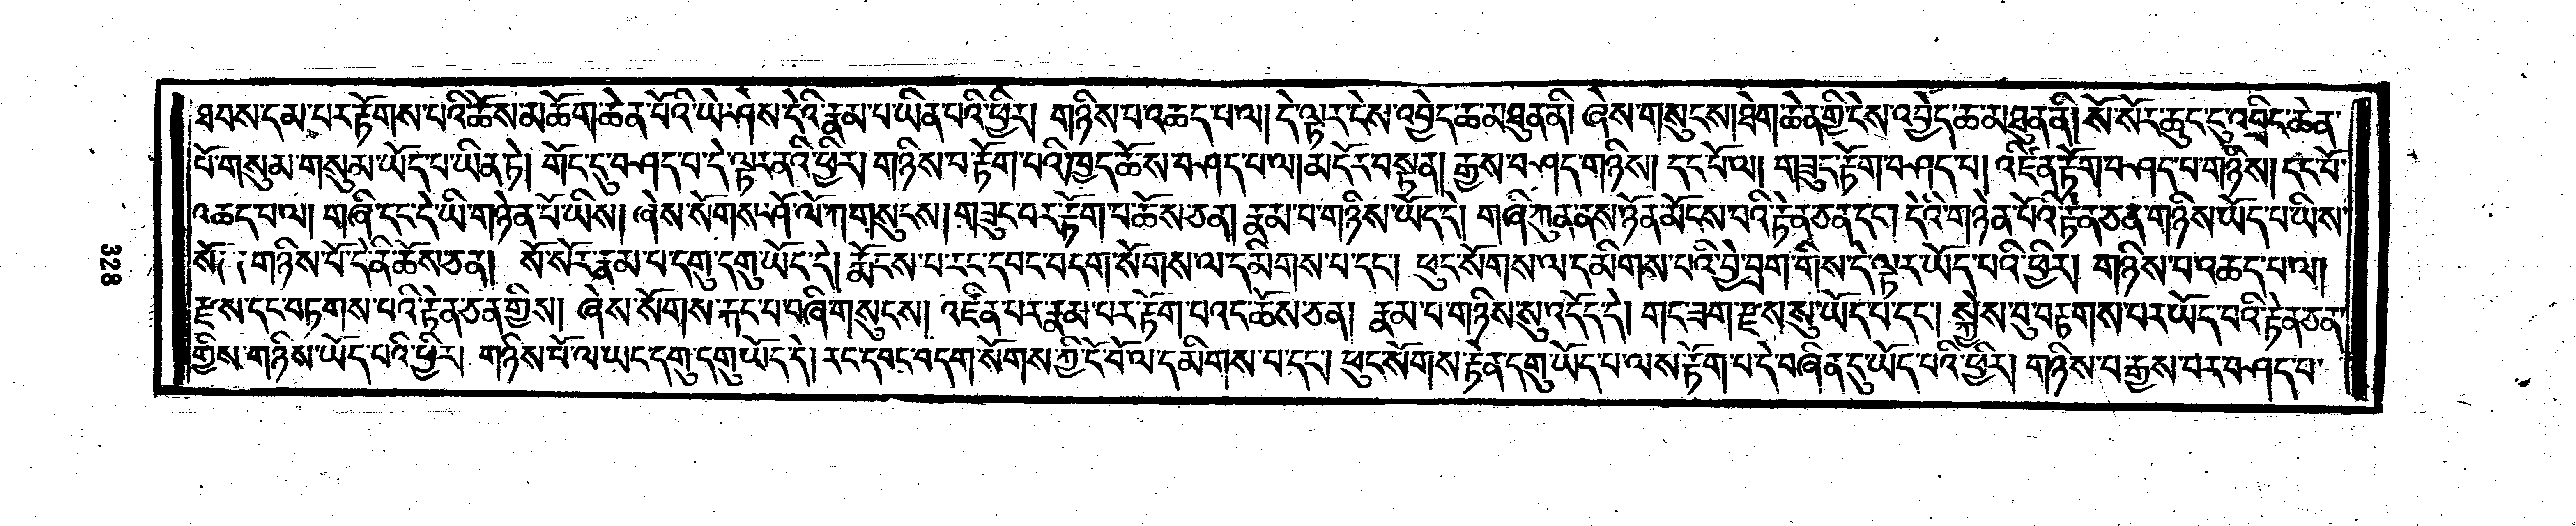ཐབས་དམ་པར་རྟོགས་པའི་ཆོས་མཆོག་ཆེན་པོའི་ཡེ་ཤེས་དེའི་རྣམ་པ་ཡིན་པའི་ཕྱིར། གཉིས་པ་འཆད་པ་ལ། དེ་ལྟར་ངེས་འབྱེད་ཆ་མཐུན་ནི། ཞེས་གསུངས། ཐེག་ཆེན་གྱི་ངེས་འབྱེད་ཆ་མཐུན་ནི། སོ་སོར་ཆུང་ངུ་འབྲིང་ཆེན་
པོ་གསུམ་གསུམ་ཡོད་པ་ཡིན་ཏེ། གོང་དུ་བཤད་པ་དེ་ལྟར་ནའི་ཕྱིར། གཉིས་པ་རྟོག་པའི་ཁྱད་ཆོས་བཤད་པ་ལ། མདོར་བསྟན། རྒྱས་བཤད་གཉིས། དང་པོ་ལ། གཟུང་རྟོག་བཤད་པ། འཛིན་རྟོག་བཤད་པ་གཉིས། དང་པོ་
འཆད་པ་ལ། གཞི་དང་དེ་ཡི་གཉེན་པོ་ཡིས། ཞེས་སོགས་ཤོ་ལོ་ཀ་གསུངས། གཟུང་བར་རྟོག་པ་ཆོས་ཅན། རྣམ་པ་གཉིས་ཡོད་དེ། གཞི་ཀུན་ནས་ཉོན་མོངས་པའི་རྟེན་ཅན་དང་། དེའི་གཉེན་པོའི་རྟེན་ཅན་གཉིས་ཡོད་པ་ཡིས་
སོ། །གཉིས་པོ་དེ་ནི་ཆོས་ཅན། སོ་སོར་རྣམ་པ་དགུ་དགུ་ཡོད་དེ། རྨོངས་པ་རང་དབང་བདག་སོགས་ལ་དམིགས་པ་དང་། ཕུང་སོགས་ལ་དམིགས་པའི་བྱེ་བྲག་གིས་དེ་ལྟར་ཡོད་པའི་ཕྱིར། གཉིས་པ་འཆད་པ་ལ།
རྫས་དང་བཏགས་པའི་རྟེན་ཅན་གྱིས། ཞེས་སོགས་རྐང་པ་བཞི་གསུངས། འཛིན་པར་རྣམ་པར་རྟོག་པའང་ཆོས་ཅན། རྣམ་པ་གཉིས་སུ་འདོད་དེ། གང་ཟག་རྫས་སུ་ཡོད་པ་དང་། སྐྱེས་བུ་བརྟགས་པར་ཡོད་པའི་རྟེན་ཅན་
གྱིས་གཉིས་ཡོད་པའི་ཕྱིར། གཉིས་པོ་ལ་ཡང་དགུ་དགུ་ཡོད་དེ། རང་དབང་བདག་སོགས་ཀྱི་ངོ་བོ་ལ་དམིགས་པ་དང་། ཕུང་སོགས་རྟེན་དགུ་ཡོད་པ་ལས་རྟོག་པ་དེ་བཞིན་དུ་ཡོད་པའི་ཕྱིར། གཉིས་པ་རྒྱས་པར་བཤད་པ་